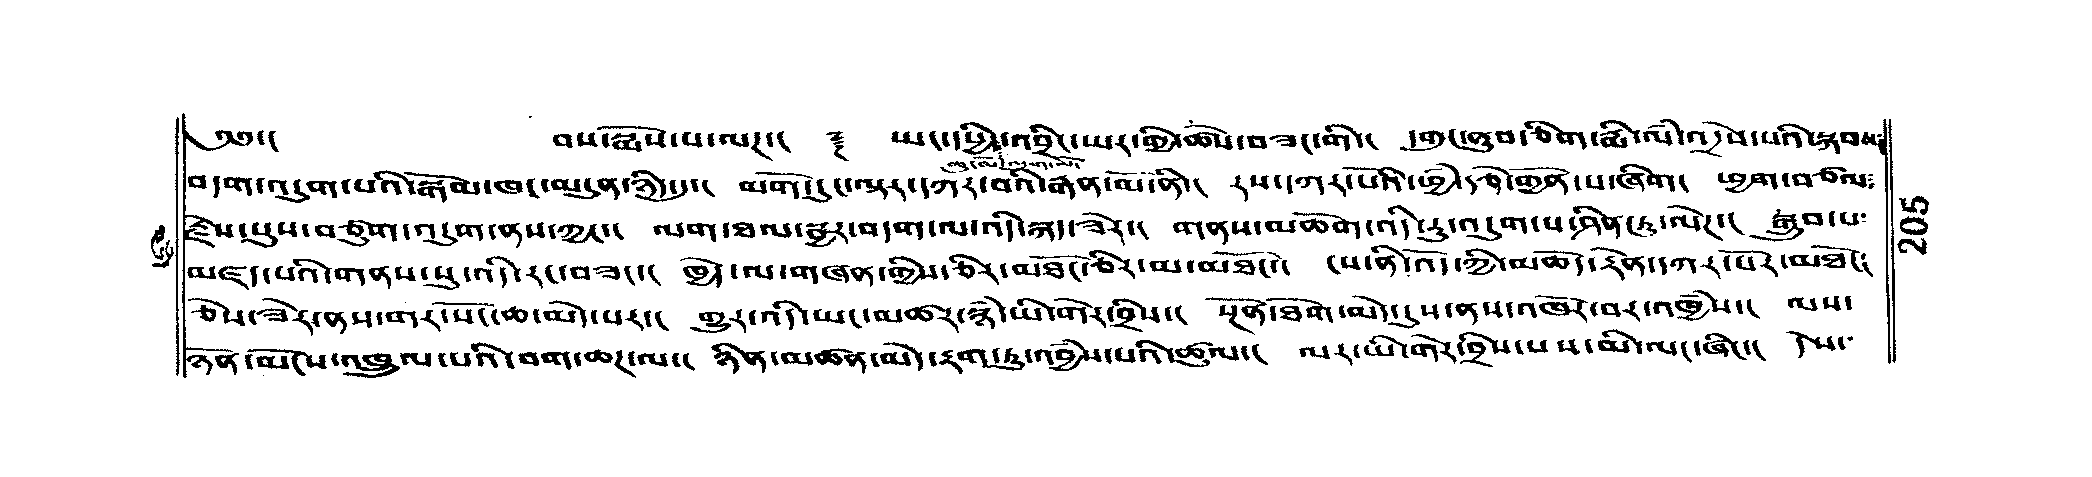བས་སྨོས་པ་ལགས།། ༈ ཡང་དཔྱིད་ ( ཆུ་མོ་ལུག་ལོ། ) འབྲིང་ཡར་གྱི་ཚེས་བཟང་གི །དགུང་ནུབ་གཅིག་རྨི་ལམ་འདྲེས་པའི་སྐབས། །
བདག་འདུག་པའི་སྒོམ་ཁང་མདུན་ཉིད་དུ། །མགོ་དུང་ལྟར་དཀར་བའི་རྒན་མོ་ནི། །རས་དཀར་པོའི་ཕྱམ་རྩེ་གྱོན་པ་ཞིག །ཕྱག་འཚལ་
རྗེས་པུས་བཙུག་འདུག་ནས་ཀྱང་། །ལག་ཐལ་སྦྱར་བདག་ལ་འདི་སྐད་ཟེར། །གནས་མཆོག་འདི་རུ་འདུག་པ་ཤིན་ཏུ་ལེགས། སྒྲུབ་པ་
མཛད་པའི་གནས་སུ་འདི་རང་བཟང་། །ཁྱེད་ལ་གཞན་གྱིས་ཅིར་མཐོང་ཅིར་མ་མཐོང་། །ངས་ནི་འོད་ཀྱི་མཆོད་རྟེན་དཀར་པོ་མཐོང་། །
ཞེས་ཟེར་ནས་གར་སོང་ཆ་མེད་པར། །གྱུར་འདི་ཡང་མཚར་སྙམ་ཡི་གེར་བྲིས། །སྔོན་ཐོག་མེད་དུས་ནས་འཁོར་བར་འཁྱམས། །ལས་
ཉོན་མོངས་འཁྲུལ་པའི་བག་ཆགས་ལ། །ཉིན་མཚན་མེད་རྟག་ཏུ་འབྱམས་པའི་ཚུལ། །ལར་ཡི་གེར་བྲིས་པས་མི་ལང་ཞིང་། །དེས་